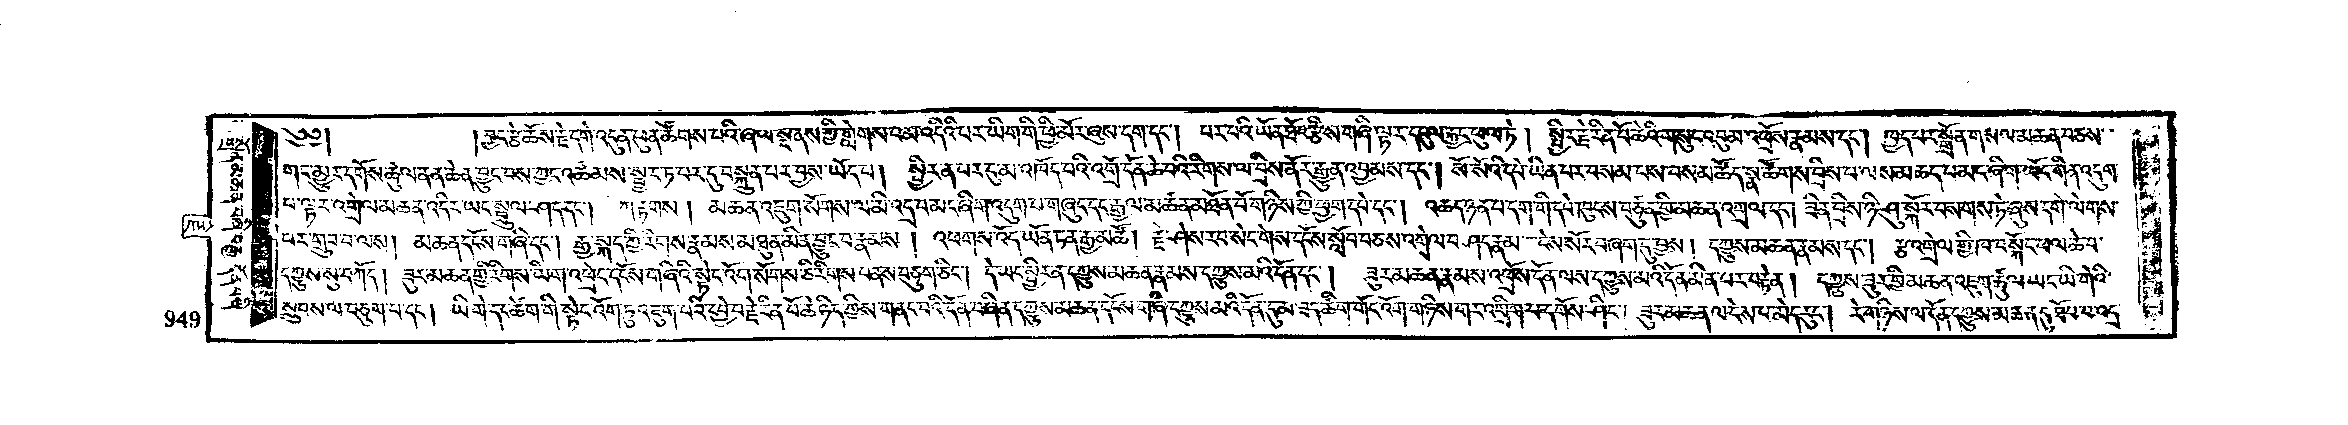༄༅། །བྱང་རྩེ་ཆོས་རྗེ་དགེ་འདུན་ཕུན་ཚོགས་པའི་ཞལ་སྔ་ནས་ཀྱི་གླེགས་བམ་འདིའི་པར་ཡིག་གི་ཕྱི་མོར་ཞུས་དག་དང་། པར་པའི་ཡོན་ཐོབ་རྩིས་གཞི་ལྟར་དངུལ་རྐྱང་ཕུལ་ཏེ། སྤྱིར་རྗེ་རིན་པོ་ཆེའི་གསུང་འདུམ་འཕྲོས་རྣམས་དང་། ཁྱད་པར་སྒྲོན་གསལ་མཚན་བཅས་
གང་མྱུར་དགོས་ཚུལ་ནན་ཆེན་བྱུང་བས་ཀྱང་འཚམས་སྦྱར་ཏེ་པར་དུ་བསྐྲུན་པར་བྱས་ཡོན་པ། སྤྱིར་ན་པར་དུ་མ་འཁོད་པའི་འགྲོ་དོན་ཆེ་བའི་རིགས་ལ་བྲིས་ནོར་རྒྱུན་འབྱམས་དང་། སོ་སོའི་དཔེ་ཡིན་པར་བསམ་པས་བས་མཚོད་སྣ་ཚོགས་བྲིས་པ་ལས་མཆད་པ་མང་ཞིག་ཡོང་གིན་འདུག་
པ་ལྟར་འགྲེལ་མཚན་འདིར་ཡང་སྦྲུལ་ཤད་དང་། ཀ་རྟགས། མཚན་འཇུག་སོགས་ལ་མི་འདྲ་བ་མང་ཞིག་འདུག་པ་གཞུང་དང་རྒྱལ་མཚན་མཐོན་པོ་གཉིས་ཀྱི་ཕྱག་དཔེ་དང་། འཆད་ཉན་པ་དག་གི་དཔེ་ཁུངས་བཙུན་གྱི་མཚན་འགྲེལ་དང་། ཟིན་བྲིས་ཉི་ཤུ་སྐོར་བསགས་ཏེ་ཞུས་དག་ལེགས་
པར་གྲུབ་པ་ལས། མཚན་དངོས་གཞི་དང་། རྒྱ་སྐད་ཀྱི་རིགས་རྣམས་མཐུན་མིན་བྱུང་བ་རྣམས། འཕགས་འོད་ཡོན་ཏན་རྒྱ་མཚོ། རྗེ་ཤེས་རབ་སེང་གེས་དངོས་སློབ་བཅས་འགྲེལ་བཤད་རྣམ་ངེས་སོར་བཞག་དུ་བྱས། དཀྱུས་མཚན་རྣམས་དང་། རྩ་འགྲེལ་གྱི་ཁ་བསྐོང་ཕལ་ཆེ་བ་
དཀྱུས་སུ་བཀོད། ཟུར་མཚན་གྱི་རིགས་ཡིག་འཕྲེང་དངོས་གཞིའི་སྟེང་འོག་སོགས་ཅི་རིགས་པ་ནས་བཅུག་ཅིང་། དེ་ཡང་སྤྱིར་ན་དཀྱུས་མཚན་རྣམས་དཀྱུས་མའི་དོན་དང་། ཟུར་མཚན་རྣམས་འཕྲོས་དོན་ལས་དཀྱུས་མའི་དོན་མིན་པར་བརྟེན། དཀྱུས་ཟུར་གྱི་མཚན་འཇུག་ཚུལ་ཡང་ཡི་གེའི་
སྲུབས་ལ་བཅུག་པ་དང་། ཡི་གེ་དང་ཚེག་གི་སྟེང་འོག་ཏུ་འཇུག་པའི་དབྱེ་བ་རྗེ་རིན་པོ་ཆེ་ཉིད་ཀྱིས་གནང་བའི་དོན་བཞིན་དཀྱུས་མཚན་དངོས་གཞི་དཀྱུས་མའི་དོན་དུ་མ་ཟད་ཚིག་གོང་འོག་གཉིས་གར་འགྲིག་པ་དགོས་ཤིང་། ཟུར་མཚན་ལ་ངེས་པ་མེད་རུང་། རེ་གཉིས་ལ་དོན་དཀྱུས་མཚན་དུ་ཐོབ་པ་འདྲ་